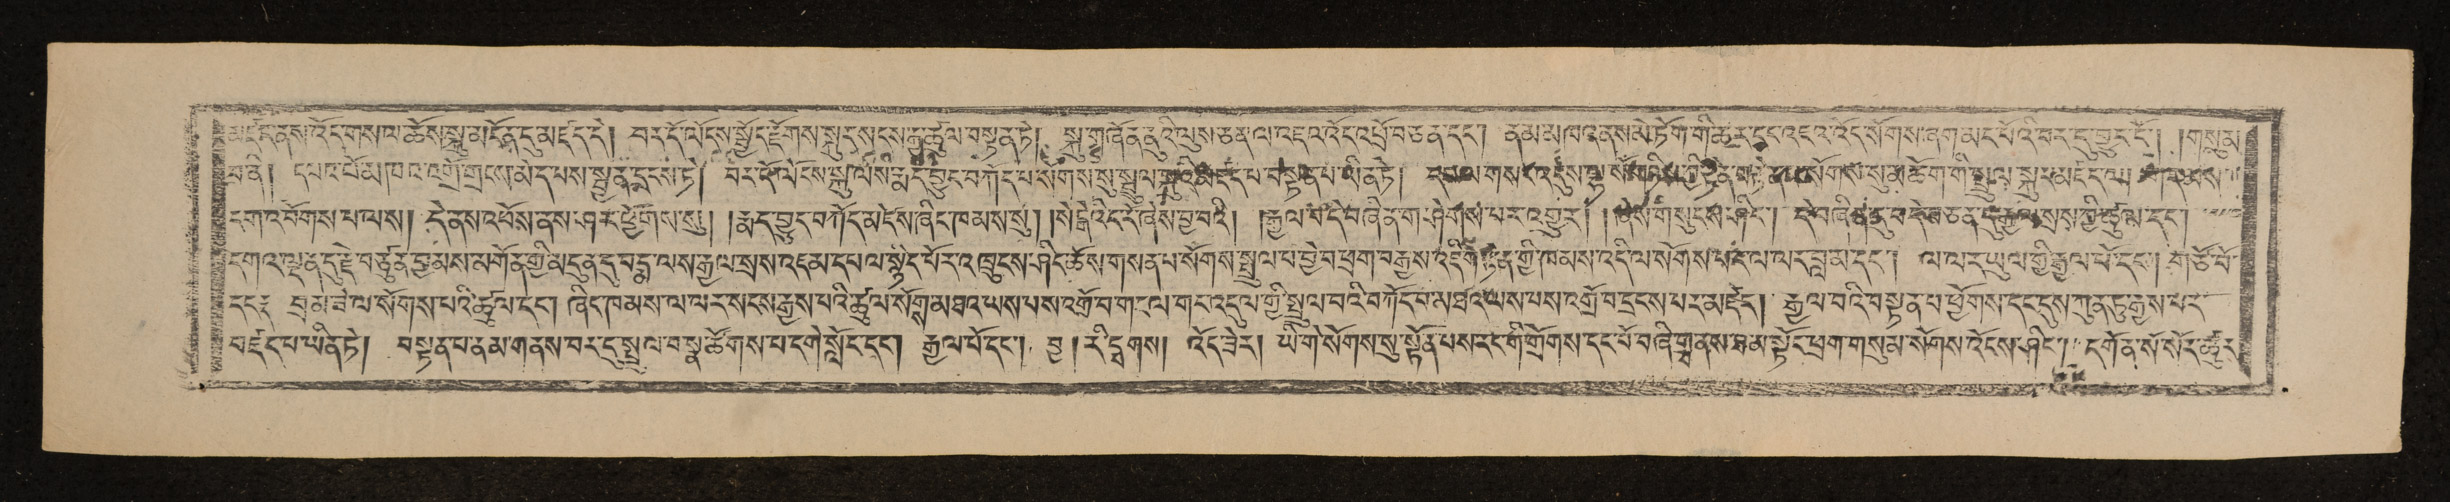མཛད་ནས་འོད་གསལ་ཆོས་སྐུ་མངོན་དུ་མཛད་དེ། བར་དོ་ལོངས་སྤྱོད་རྫོགས་སྐུར་སངས་རྒྱ་ཚུལ་བསྟན་ཏེ། སྐུ་གཞོན་ནུའི་ལུས་ཅན་ལ་འཇའ་འོད་འཕྲོ་བ་ཅན་དང་། ནམ་མཁའ་ནས་མེ་ཏོག་གི་ཆར་དང་འཇའ་འོད་སོགས་ཞག་མང་པོའི་བར་དུ་བྱུང་ངོ། །གསུམ་
པ་ནི༑ དཔའ་བོ་མཁའ་འགྲོ་གྲངས་མེད་པས་སྤྱན་དྲངས་ཏེ། བར་དོ་ལོངས་སྐུ་ལས་རྨད་བྱུང་བཀོད་པ་སོགས་སུ་སྤྲུལ་སྐུའི་མཛད་པ་བསྟན་པ་ཡིན་ཏེ། དཔལ་གསང་འདུས་ལྷ་སོ་གཉིས་ཀྱི་རྟེན་བརྟེན་པ་སོགས་སུ་མཆོག་གི་སྤྲུལ་སྐུར་མཛད་ལ། གདམས་
ངག་འབོགས་པ་ལས། དེ་ནས་འཕོས་ནས་ཤར་ཕྱོགས་སུ། །རྨད་བྱུང་བཀོད་མཛེས་ཞིང་ཁམས་སུ། །སེངྒེའི་ངར་ཞེས་བྱ་བའི། །རྒྱལ་བ་དེ་བཞིན་གཤེགས་པར་འགྱུར། །ཞེས་གསུངས་ཤིང་། དེ་བཞིན་དུ་བདེ་བ་ཅན་དུ་རྒྱལ་སྲས་ཀྱི་ཚུལ་དང་།
དགའ་ལྡན་དུ་རྗེ་བཙུན་བྱམས་མགོན་གྱི་མདུན་དུ་པདམ་ལས་རྒྱལ་སྲས་འཇམ་དཔལ་སྙིང་བོར་འཁྲུངས་ཤིང་ཆོས་གསན་པ་སོགས་སྤྲུལ་བ་བྱེ་བ་ཕྲག་བརྒྱས་འཇིག་རྟེན་གྱི་ཁམས་འདི་ལ་སོགས་པར་ལ་ལར་བླ་མ་དང་། ལ་ལར་ཡུལ་གྱི་རྒྱལ་པོ་དང་། གཙོ་བོ་
དང༑ བྲམ་ཟེ་ལ་སོགས་པའི་ཚུལ་དང་། ཞིང་ཁམས་ལ་ལར་སངས་རྒྱས་པའི་ཚུལ་སོགས་མཐའ་ཡས་པས་འགྲོ་བ་གང་ལ་གང་འདུལ་གྱི་སྤྲུལ་པའི་བཀོད་བ་མཐའ་ཡས་པས་འགྲོ་བ་དྲངས་པར་མཛད། རྒྱལ་བའི་བསྟན་པ་ཕྱོགས་དང་དུས་ཀུན་ཏུ་རྒྱས་པར་
མཛད་པ་ཡིན་ཏེ། བསྟན་པ་ནམ་གནས་བར་དུ་སྤྲུལ་པ་སྣ་ཚོགས་པ་དགེ་སློང་དང་། རྒྱལ་པོ་དང་། བྱ། རི་དྭགས། འོད་ཟེར། ཡི་གེ་སོགས་སུ་སྟོན་པས་རང་གི་གྲོགས་དང་པོ་བཞི་གྲྭ་ནས་ཐ་མ་སྟོང་ཕྲག་གསུམ་སོགས་འོངས་ཤིང་། དགོན་སོ་སོར་ཚུར་